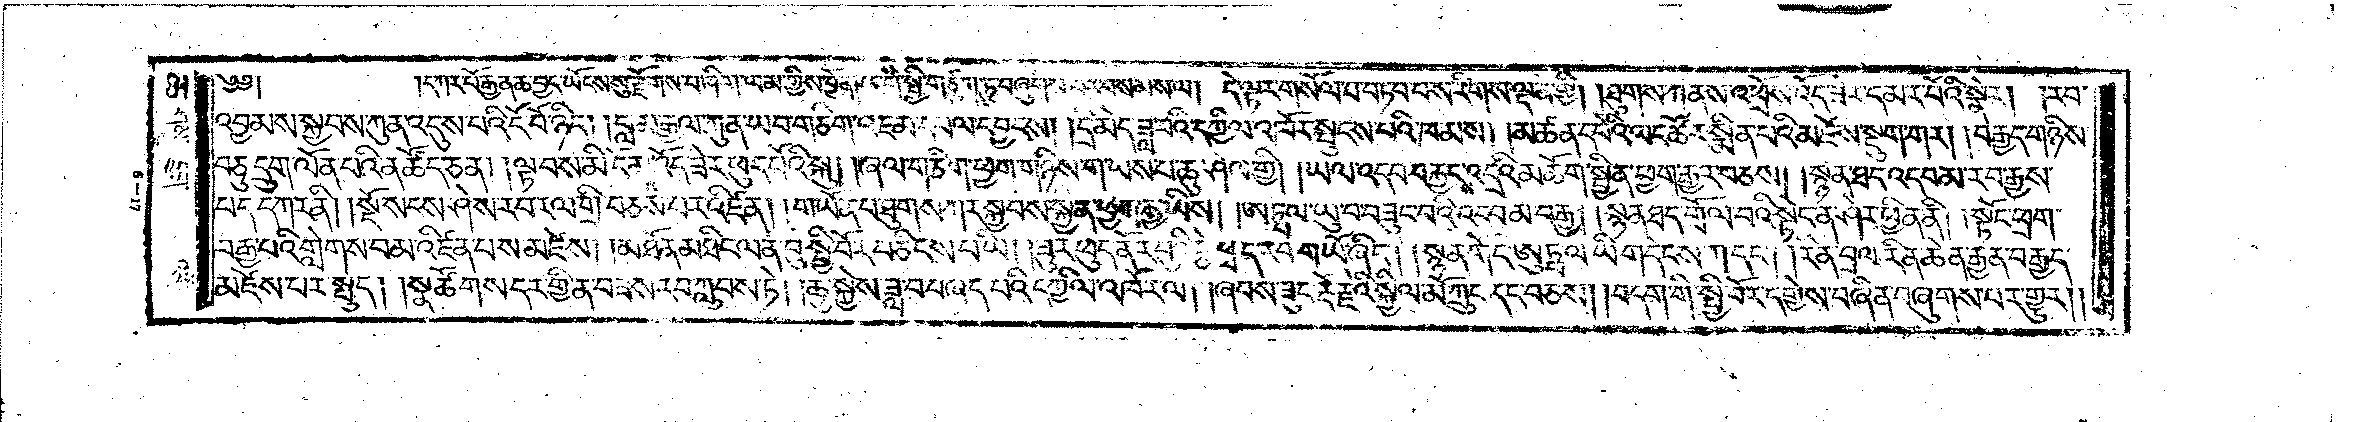༄༅། །དཀར་པོ་རྒྱན་ཆ་བྱང་ཡོངས་སུ་རྫོགས་པ་ཞིག་ལམ་གྱིས་བྱོན། རང་གི་སྤྱི་གཙུག་ཏུ་བཞུགས་པར་བསམས་ལ།  དེ་ལྟར་གསོལ་བ་བཏབ་པས་རིགས་ལྡན་གྱི། །ཐུགས་ཀ་ནས་འཕྲོས་འོད་ཟེར་དམར་པོའི་སྣེར། །རབ་
འབྱམས་སྐྱབས་ཀུན་འདུས་པའི་ངོ་བོ་ཉིད། །བླ་མ་རྒྱལ་ཀུན་ཡབ་གཅིག་འཇམ་དཔལ་དབྱངས། །དྲི་མེད་ཟླ་བའི་དཀྱིལ་འཁོར་སྤུངས་པའི་ཁམས། །མཚན་དཔེའི་ལང་ཚོར་སྨིན་པའི་མཛེས་སྡུག་གར། །བརྒྱད་གཉིས་
བཅུ་དྲུག་ལོན་པའི་ན་ཚོད་ཅན། །ལྟ་བས་མི་ངོམ་འོད་ཟེར་ཕུང་པོའི་སྐུ། །ཞལ་གཅིག་ཕྱག་གཉིས་གཡས་པ་ཆུ་ཤེལ་གྱི། །ཡལ་འདབ་བརྐྱངས་འདྲའི་མཆོག་སྦྱིན་ཕྱག་རྒྱར་བཅས། །སྙན་ཐང་འདབ་མ་རབ་རྒྱས་
པད་དཀར་ནི། །སྡོ་སངས་ཤེས་རབ་རལ་གྲི་བཅས་པར་འཛིན། །གཡོན་པ་ཐུགས་ཀར་སྐྱབས་སྐྱིན་ཕྱག་རྒྱ་ཡིས། །ཨཏྤལ་ཡུ་བ་བཟུང་པའི་འདབ་མ་བརྒྱ། །སྙན་ཐད་གྲོལ་བའི་སྟེང་ན་ཤེར་ཕྱིན་ནི། །སྟོང་ཕྲག་
བརྒྱ་པའི་གླེགས་བམ་འཛིན་པས་མཛེས། །མཐོན་མཐིང་ལན་བུ་སྤྱི་བོར་བཅིངས་པ་ཡི། །ཟུར་ཕུད་ནོར་བུའི་རྩེ་ཕྲད་རབ་གཡོ་ཞིང་། །སྙན་གོང་ཨུཏྤལ་ཡི་གདེངས་ཀ་དང་། །རིན་བྲལ་རིན་ཆེན་རྒྱན་བརྒྱད་
མཛེས་པར་སྤུད། །སྣ་ཚོགས་དར་གྱི་ན་བཟས་རབ་ཀླུབས་ཏེ། །ཆུ་སྐྱེས་ཟླ་བ་བཞད་པའི་དཀྱིལ་འཁྲོ་ལ། །ཞབས་ཟུང་རྡོ་རྗེའི་སྐྱིལ་མོ་ཀྲུང་དང་བཅས། །བདག་གི་སྤྱི་བོར་དགྱེས་བཞིན་བཞུགས་པར་གྱུར།།